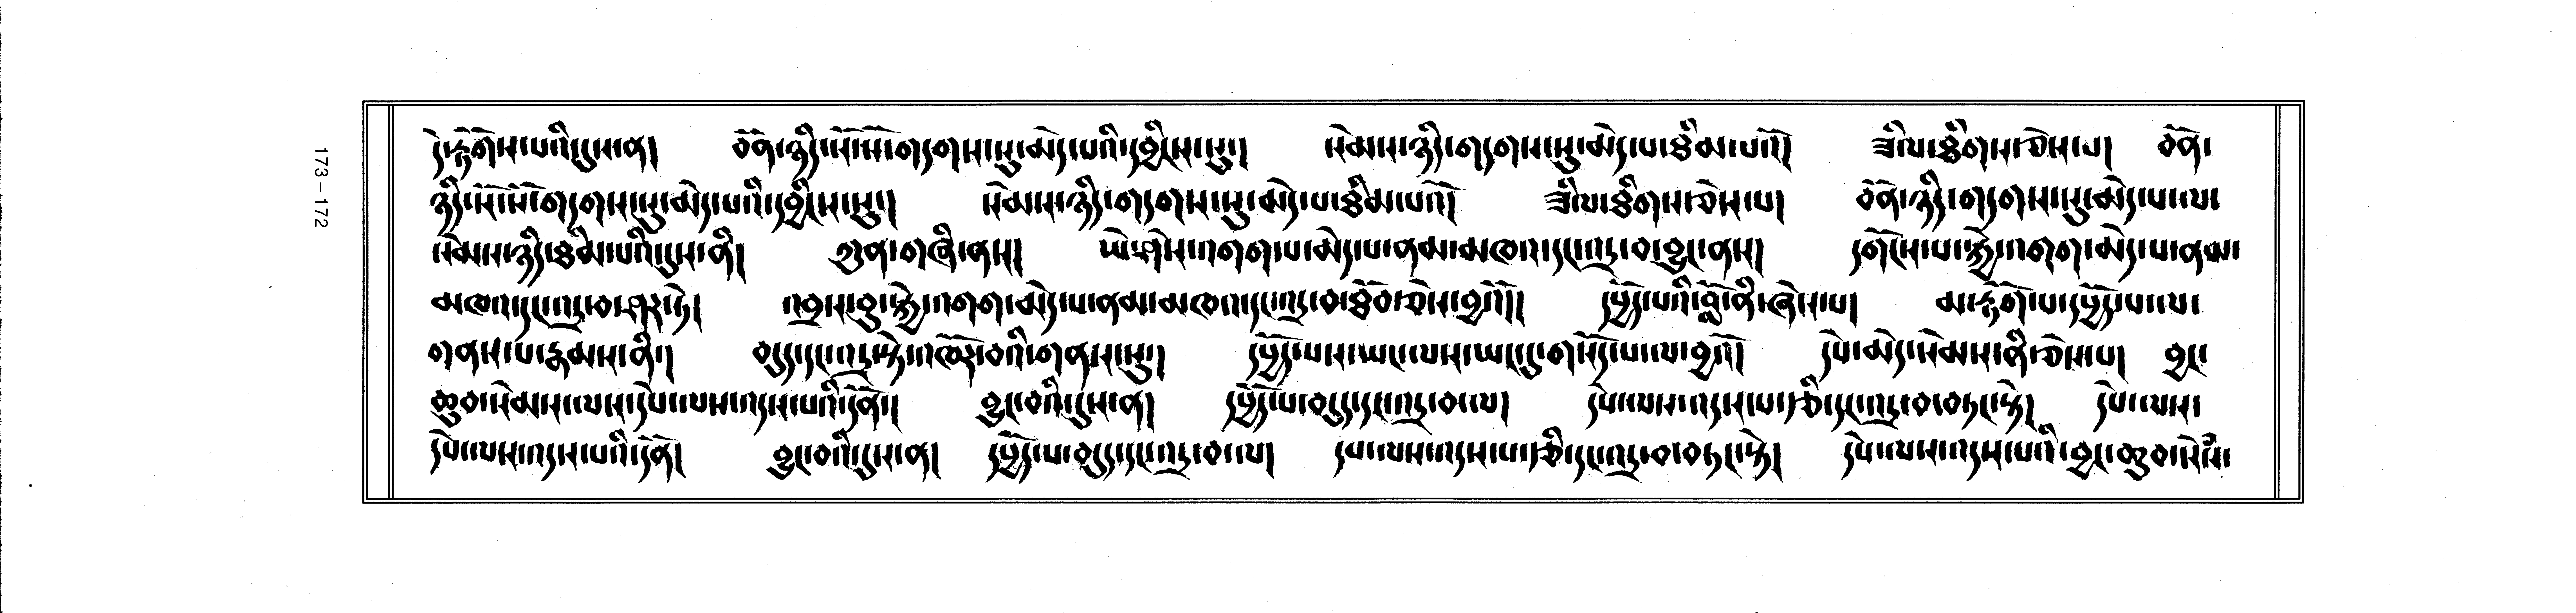དེ་རྟོགས་པའི་དུས་ན། བོན་ཉིད་སོ་སོ་གདགས་སུ་མེད་པའི་དབྱིངས་སུ། སེམས་ཉིད་གདགས་སུ་མེད་པ་ཐིམ་པའོ། །ཟིལ་ཐིགས་ཅེས་པ། བོན་
ཉིད་སོ་སོ་གདགས་སུ་མེད་པའི་དབྱིངས་སུ། སེམས་ཉིད་གདགས་སུ་མེད་པ་ཐིམ་པའོ། །ཟིལ་ཐིགས་ཅེས་པ། བོན་ཉིད་གདགས་སུ་མེད་པ་ལ་
སེམས་ཉིད་ཐིམ་པའི་དུས་ན། ཀུན་གཞི་ནས། ཡེ་ཤེས་འགག་པ་མེད་པ་ནམ་མཁའ་དང་འདྲ་བ་བྱུང་ནས། དགོངས་པ་སྐྱེ་འགག་མེད་པ་ནམ་
མཁའ་དང་འདྲ་བ་ཤར་ཏེ། འབྲས་བུ་སྐྱེ་འགག་མེད་པ་ནམ་མཁའ་དང་འདྲ་བ་ཐོབ་ཅེས་བྱའོ། །དཔྱོད་པའི་བློ་ནི་ཞེས་པ། མ་རྟོགས་པ་དཔྱོད་པ་ལ་
གནས་པ་རྣམས་ནི། བདུད་དང་འདྲ་སྟེ་འཁོར་བའི་གནས་སུ། དཔྱོད་པས་ཡང་ནས་ཡང་དུ་གསོད་པ་ལ་བྱའོ། །དཔེ་མེད་སེམས་ནི་ཅེས་པ། བྱང་
ཆུབ་སེམས་ལས་དཔེ་ལས་འདས་པའི་དོན། བྱུང་བའི་དུས་ན། དཔྱོད་པ་བདུད་དང་འདྲ་བ་ལ། དཔེ་ལས་འདས་པ་རྩི་དང་འདྲ་བ་བཏང་སྟེ། དཔེ་ལས་
དཔེ་ལསའདས་པའི་དོན། བྱུང་བའི་དུས་ན། དཔྱོད་པ་བདུད་དང་འདྲ་བ་ལ། དཔེ་ལས་འདས་པ་རྩི་དང་འདྲ་བ་བཏང་སྟེ། དཔེ་ལས་འདས་པའི་བྱང་ཆུབ་སེམས་